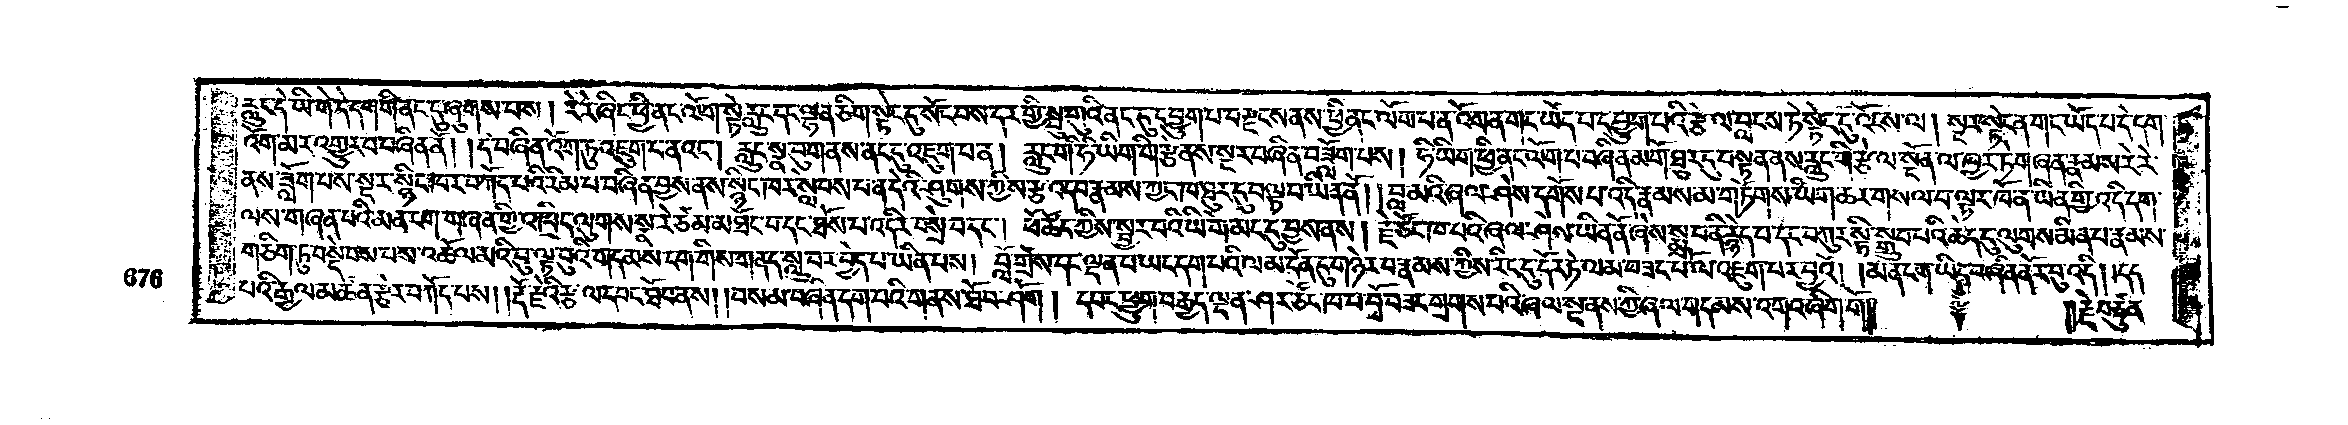རླུང་དེ་ཡི་གེ་དེ་དག་གི་ནང་དུ་ཞུགས་པས། རེ་རེ་ཞིང་ཕྱི་ནང་ལོག་སྟེ་རླུང་དང་ལྷན་ཅིག་སྟེང་དུ་སོང་བས་དར་གྱི་སྤུ་གུའི་ནང་དུ་དབྱུག་པ་བརྫངས་ནས་ཕྱི་ནང་ལོག་པ་ན་འོག་ན་གང་ཡོད་པ་དབྱུག་པའི་རྩེ་ལ་བླངས་ཏེ་སྟེང་དུ་འོངས་ལ། སྔར་སྟེང་ན་གང་ཡོད་པ་དེ་དག་
འོག་མར་འགྱུར་བ་བཞིན་ནོ། །དེ་བཞིན་འོག་ཏུ་འཇུག་པ་ནའང་། རླུང་སྣ་བུག་ནས་ནང་དུ་འཇུག་པ་ན། རླུང་གི་ཧི་ཡིག་གི་རྩེ་ནས་སྔར་བཞིན་བཟློག་པས། ཧི་ཡིག་ཕྱི་ནང་ལོག་པ་བཞིན་མགོ་ཐུར་དུ་བསྟན་ནས་རླུང་གི་རྩེལ་སྔོན་ལ་ཁྱེར་ཏེ་གཞན་རྣམས་རེ་རེ་
ནས་ཟློག་?་པས་སྔར་སྙིང་ཁར་བཀོད་པའི་རིམ་པ་བཞིན་བྱས་ནས་སྙིང་ཁར་སླེབས་པ་ན་དེའི་ཤུགས་ཀྱིས་རྩ་འདབ་རྣམས་ཀྱང་ཁ་ཐུར་དུ་བལྟ་བ་ཡིན་ནོ། །བླ་མའི་ཞལ་ཤེས་དགོས་པ་འདི་རྣམས་མ་གཏོགས་ཡིག་ཆར་གསལ་བ་ལྟར་ཁོ་ན་ཡིན་གྱི་འདི་དག་
ལས་གཞན་པའི་མན་ངག་གཞན་གྱི་འཁྲིད་ལུགས་སྣ་རེ་ཙམ་མཐོང་བ་དང་ཐོས་པ་འདིར་བསྲེ་བ་དང་། ཕོ་ཚོད་ཀྱིས་སྦྱར་བའི་ཡི་གེ་མང་དུ་བྱས་ནས། རྗེ་ཙོང་ཁ་པའི་ཞལ་ཤེས་ཡིན་ནོ་ཞེས་སྨྲ་བ་ནི་རྙེད་པ་དང་བཀུར་སྟི་སྒྲུབ་པའི་ཆེད་དུ་ལུགས་མིན་པ་རྣམས་
གཅིག་ཏུ་བསྡེབས་པས་འཆོལ་མའི་བུ་ལྟ་བུའི་གདམས་ངག་གིས་གནད་སླུ་བར་བྱེད་པ་ཡིན་པས། བློ་གྲོས་དང་ལྡན་པ་ཡང་དག་པའི་ལམ་དོན་དུ་གཉེར་པ་རྣམས་ཀྱིས་རིང་དུ་དོར་ཏེ་ལམ་བཟང་པོ་ལ་འཇུག་པར་བྱའོ། །མན་ངག་ཡིད་བཞིན་ནོར་བུ་འདི། །དད་
པའི་རྒྱལ་མཚན་རྩེར་བཀོད་པས། །རྡོ་རྗེའི་རྩལ་དབང་ཐོབ་ནས། །བསམ་བཞིན་དག་པའི་གནས་ཐོབ་ཤོག །དབང་ཕྱུག་བརྒྱད་ལྡན་ཤར་ཙོང་ཁ་པ་བློ་བཟང་གྲགས་པའི་ཞལ་སྔ་ནས་ཀྱི་ཞལ་གདམས་འགའ་ཞིག་གོ། ༈ །།རྗེ་བཙུ་